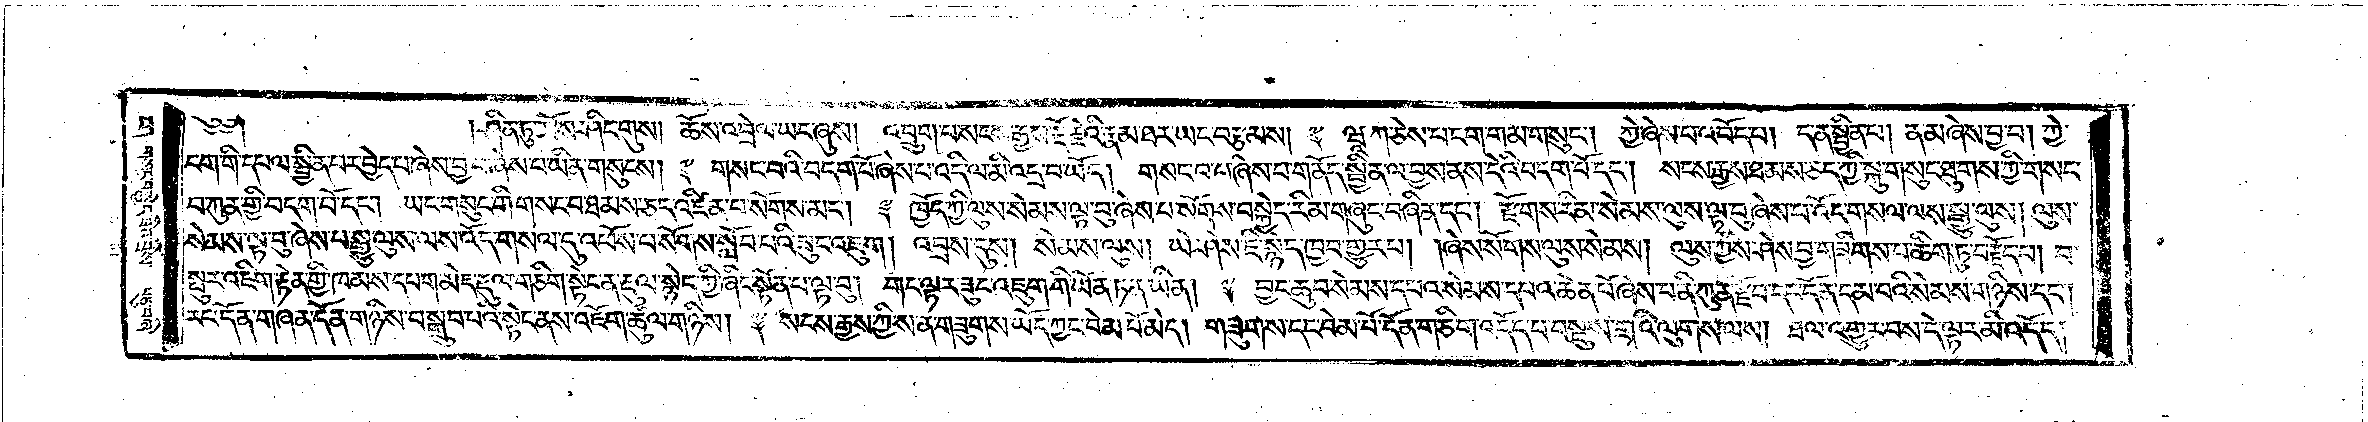༄༅། །ཤིན་ཏུ་མོས་ཤིང་གུས། ཆོས་འབྲེལ་ཡང་ཞུས། འབྲུག་པ་སངས་རྒྱས་རྡོ་རྗེའི་རྣམ་ཐར་ཡང་བརྩམས། ༈ ཝཱ་ཀ་ཅེས་པ་ངག་གམ་གསུང་། ཀྱེ་ཞེས་པ་འབོད་པ། ད་ན་སྦྱིན་པ། ནམ་ཞེས་བྱ་བ། ཀྱེ་
ངག་གི་དཔལ་སྦྱིན་པར་བྱེད་པ་ཞེས་བྱ་བ་ཞེས་པ་ཡིན་གསུངས། ༈ གསང་བའི་བདག་པོ་ཞེས་པ་འདི་ལ་མི་འདྲ་བ་ཡོད། གསང་བ་པ་ཞེས་པ་གནོད་སྦྱིན་ལ་བྱས་ནས་དེའི་བདག་པོ་དང་། སངས་རྒྱས་ཐམས་ཅད་ཀྱི་སྐུ་གསུང་ཐུགས་ཀྱི་གསང་
བ་ཀུན་གྱི་བདག་པོ་དང་། ཡང་གསུང་གི་གསང་བ་ཐམས་ཅད་འཛིན་པ་སོགས་མང་། ༈ ཁྱོད་ཀྱི་ལུས་སེམས་ལྟ་བུ་ཞེས་པ་སོགས་བསྐྱེད་རིམ་གཞུང་བཞིན་དང་། རྫོགས་རིམ་སེམས་ལུས་ལྟ་བུ་ཞེས་པ་འོད་གསལ་ལས་སྒྱུ་ལུས། ལུས་
སེམས་ལྟ་བུ་ཞེས་པ་སྒྱུ་ལུས་ལས་འོད་གསལ་དུ་འཕོས་པ་སོགས་སློབ་པའི་ཟུང་འཇུག། འབྲས་དུས། སེམས་ལུས། ཡེ་ཤེས་ཇི་སྙེད་ཁྱབ་གྱུར་པ། །ཞེས་སོགས་ལུས་སེམས། ལུས་ཀྱིས་ཤེས་བྱ་གཟིགས་པ་ཚིག་ཏུ་བརྗོད་པ། བ་
སྤུར་འཇིག་རྟེན་གྱི་ཁམས་དཔག་མེད་རྡུལ་གཅིག་སྟེང་ན་རྡུལ་སྙེད་ཀྱི་ཞིང་སྟོན་པ་ལྟ་བུ། གང་ལྟར་ཟུང་འཇུག་གི་ཡོན་ཏན་ཡིན། ༈ བྱང་ཆུབ་སེམས་དཔའ་སེམས་དཔའ་ཆེན་པོ་ཞེས་པ་ནི་ཀུན་རྫོབ་དང་དོན་དམ་པའི་སེམས་གཉིས་དང་།
རང་དོན་གཞན་དོན་གཉིས་བསྒྲུབ་པའི་སྟེང་ནས་འཇོག་ཚུལ་གཉིས། ༈ སངས་རྒྱས་ཀྱི་ས་ན་གཟུགས་ཡོད་ཀྱང་བེམ་པོ་མེད། གཟུགས་དང་བེམ་པོ་དོན་གཅིག་འདོད་པ་བསྡུས་གྲའི་ལུགས་ལས། ཐལ་འགྱུར་བས་དེ་ལྟར་མི་འདོད།